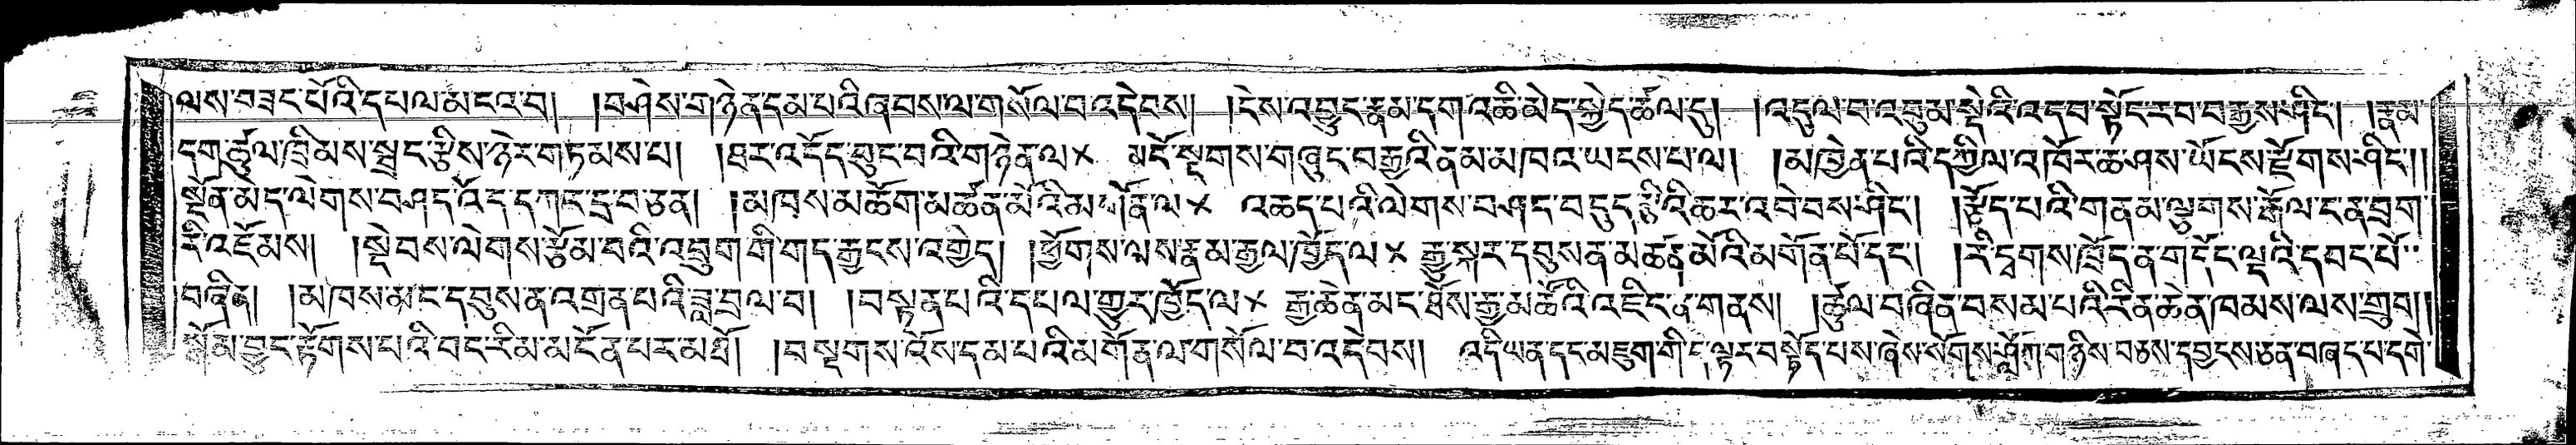ལས་བཟང་པོའི་དཔལ་མངའ་བ། །བཤེས་གཉེན་དམ་པའི་ཞབས་ལ་གསོལ་བ་འདེབས། །ངེས་འབྱུང་རྣམ་དག་འཆི་མེད་སྐྱེད་ཚལ་དུ། །འདུལ་བ་འབུམ་སྡེའི་འདབ་སྟོང་རབ་བརྒྱས་ཤིང་། །རྣམ་
དག་ཚུལ་ཁྲིམས་སྦྲང་རྩིས་ཉེར་གཏམས་པ། །ཐར་འདོད་བུང་བའི་གཉེན་ལ་{྾}་མདོ་སྔགས་གཞུང་བརྒྱའི་ནམ་མཁའ་ཡངས་པ་ལ། །མཁྱེན་པའི་དཀྱིལ་འཁོར་ཆ་ཤས་ཡོངས་རྫོགས་ཤིང་། །
སྔོན་མེད་ལེགས་བཤད་འོད་དཀར་དྲ་བ་ཅན། །མཁས་མཆོག་མཚན་མོའི་མགོན་ལ་{྾}་འཆད་པའི་ལེགས་བཤད་བདུད་རྩིའི་ཆར་འབེབས་ཤིང་། །རྩོད་པའི་གནམ་ལྕགས་རྒོལ་ངན་བྲག་
རི་འཇོམས། །སྡེབས་ལེགས་རྩོམ་བའི་འབྲུག་གི་གད་རྒྱངས་འགྱེད། །ཕྱོགས་ལས་རྣམ་རྒྱལ་ཁྱོད་ལ་{྾}་རྒྱུ་སྐར་དབུས་ན་མཚན་མོའི་མགོན་པོ་དང་། །རི་དྭགས་ཁྲོད་ན་གདོང་ལྡའི་དབང་པོ་
བཞིན། །མཁས་མང་དབུས་ན་འགྲན་པའི་ཟླ་བྲལ་བ། །བསྟན་པའི་དཔལ་གྱུར་ཁྱོད་ལ་{྾}་རྒྱ་ཆེན་མང་ཐོས་རྒྱ་མཚོའི་འཇིང་ན་གནས། །ཚུལ་བཞིན་བསམ་པའི་རིན་ཆེན་ཁམས་ལས་གྲུབ། །
སྒོམ་བྱུང་རྟོགས་པའི་བང་རིམ་མངོན་པར་མཐོ། །བསྔགས་འོས་དམ་པའི་མགོན་ལ་གསོལ་བ་འདེབས། འདི་ཡན་དང་མཇུག་གི་ད་ལྟར་བསྟོད་པས་ཞེས་སོགས་ཤློ་ཀ་གཉིས་བཅས་དབྱངས་ཅན་བཞད་པ་དགེ་